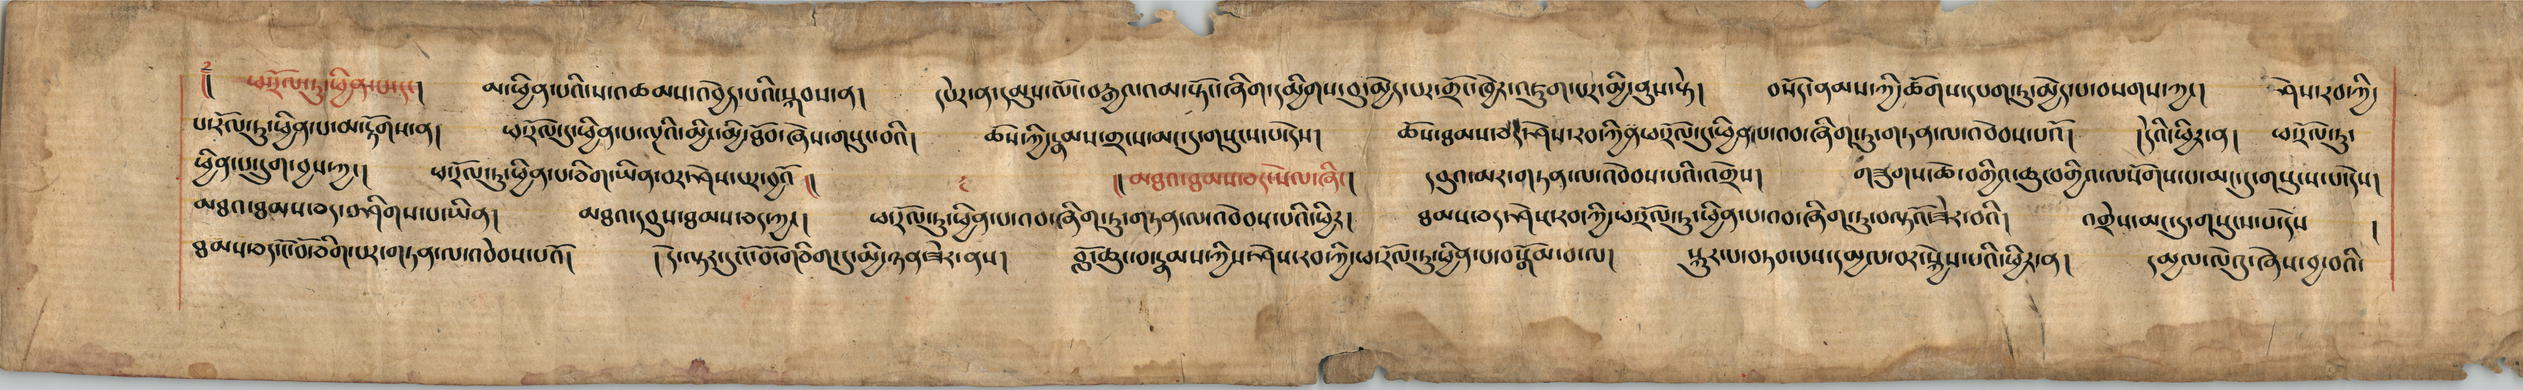ཕ་རོལ་ཏུ་ཕྱིན་པ་དང། མ་ཕྱིན་པའི་ས་འཚམས་འབྱེད་པའི་སྐབས་ན། དཔེར་ན་དམུས་ལོང་བརྒྱའ་འམ་སྟོང་ཞིག་དམྱིགས་བུ་མྱེད་པར་གྲོང་ཁྱེར་འཇུག་པར་མྱི་ནུས་སྟེ། བསོད་ནམས་ཀྱི་ཚོགས་དཔག་ཏུ་མྱེད་པ་བསགས་ཀྱང། ཤེས་རབ་ཀྱི་
པ་རོལ་ཏུ་ཕྱིན་པ་མ་རྟོགས་ན། ཕ་རོལ་དུ་ཕྱིན་པ་ལྔའི་མྱིང་མྱི་ཐོབ་ཞེས་གསུང་བའི། ཆོས་ཀྱི་རྣམས་གྲངས་མང་དུ་གསུངས་པ་དེས། ཆོས་ཐམས་ཅད་ཤེས་རབ་ཀྱིན་ཕ་རོལ་དུ་ཕྱིན་པ་འབ་ཞིག་ཏུ་གཏན་ལ་འབེབས་པའོ། །དེའི་ཕྱིར་ན། ཕ་རོལ་ཏུ་
ཕྱིན་པ་དྲུག་བྱས་ཀྱང། ཕ་རོལ་ཏུ་ཕྱིན་པ་ཅིག་ཡིན་བར་ཤེས་པར་བྱའོ །། །།མཐའ་ཐམས་ཅད་སེལ་ཞིང། དབུའ་མར་གཏན་ལ་འབེབས་པའི་འགྲེས། གཟུགས་ཆེ་བགྱིའ་ཆུང་བགྱིའ་ལསོགས་པ་མང་དུ་གསུངས་པ་དེས།
མཐའ་ཐམས་ཅད་བཤིགས་པ་ཡིན། མཐའ་དབུས་ཐམས་ཅད་ཀྱང། ཕ་རོལ་ཏུ་ཕྱིན་པ་འབ་ཞིག་ཏུ་གཏན་ལ་འབེབས་པའི་ཕྱིར། ཐམས་ཅད་ཤེས་རབ་ཀྱི་ཕ་རོལ་ཏུ་ཕྱིན་པ་འབ་ཞིག་ཏུ་བལྟའོ་ཟེར་བའི། འགྲེས་མང་དུ་གསུངས་པ་དེས
ཐམས་ཅད་ངོ་བོ་ཅིག་པར་གཏན་ལ་འབེབས་པའོ། །དེ་ལྟར་དུ་ངོ་བོ་གཅིག་དུ་མྱི་ཉན་ཟེར་ནས། བློ་ཆུང་བ་རྣམས་ཀྱིས་ཤེས་རབ་ཀྱི་ཕ་རོལ་ཏུ་ཕྱིན་པ་བསྒོམ་བ་ལ། སྐུར་པ་བཏབ་པས་དནྱལ་བར་སྐྱེས་པའི་ཕྱིར་ན། དམྱལ་ལེའུ་ཞེས་བྱ་བའི་